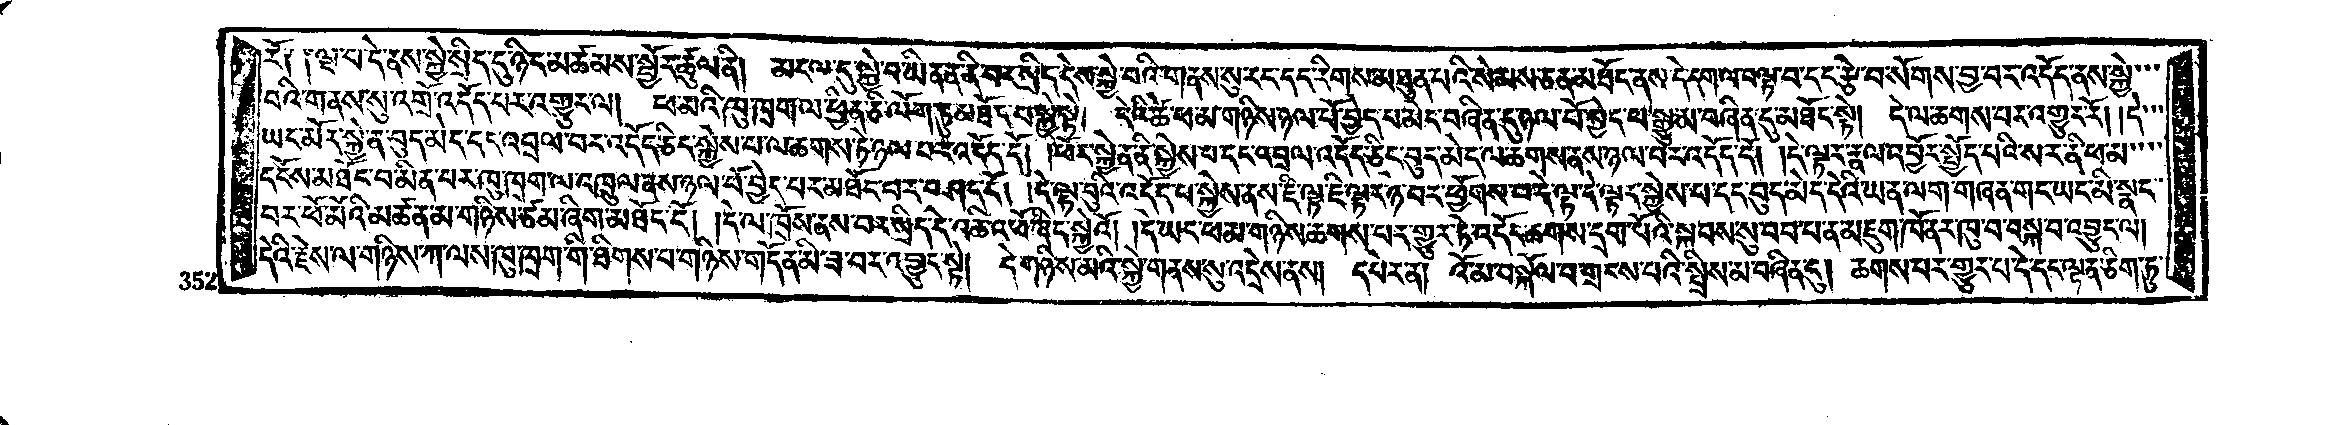རོ༑ ༑ལྔ་པ་དེ་ནས་སྐྱེ་སྲིད་དུ་ཉིང་མཚམས་སྦྱོར་ཚུལ་ནི། མངལ་དུ་སྐྱེ་བ་ཡིན་ན་ནི་བར་སྲིད་དེས་སྐྱེ་བའི་གནས་སུ་རང་དང་རིགས་མཐུན་པའི་སེམས་ཅན་མཐོང་ནས་དེ་དག་ལ་བལྟ་བ་དང་རྩེ་བ་སོགས་བྱ་བར་འདོད་ནས་སྐྱེ་
བའི་གནས་སུ་འགྲོ་འདོད་པར་འགྱུར་ལ། ཕ་མའི་ཁུ་ཁྲག་ལ་ཕྱིན་ཅི་ལོག་ཏུ་མཐོང་བ་སྐྱེ་སྟེ། དེའི་ཚེ་ཕ་མ་གཉིས་ཉལ་པོ་བྱེད་པ་མེད་བཞིན་དུ་ཉལ་པོ་བྱེད་པ་སྒྱུ་མ་བཞིན་དུ་མཐོང་སྟེ། དེ་ལ་ཆགས་པར་འགྱུར་རོ། །དེ་
ཡང་མོར་སྐྱེ་ན་བུད་མེད་དང་འབྲལ་བར་འདོད་ཅིང་སྐྱེས་པ་ལ་ཆགས་ཏེ་ཉལ་བར་འདོད་དེ། །ཕོར་སྐྱེ་ན་ནི་སྐྱེས་པ་དང་འབྲལ་འདོད་ཅིང་བུད་མེད་ལ་ཆགས་ནས་ཉལ་བར་འདོད་དོ། །དེ་ལྟར་རྣལ་འབྱོར་སྤྱོད་པའི་སར་ནི་ཕམ་?
དངོས་མཐོང་བ་མིན་པར་ཁུ་ཁྲག་ལ་འཁྲུལ་ནས་ཉལ་པོ་བྱེད་པར་མཐོང་བར་བཤད་དོ། །དེ་ལྟ་བུའི་འདོད་པ་སྐྱེས་ནས་ཇི་ལྟ་ཇི་ལྟར་ཉེ་བར་ཕྱོགས་པ་དེ་ལྟ་དེ་ལྟར་སྐྱེས་པ་དང་བུད་མེད་དེའི་ཡན་ལག་གཞན་གང་ཡང་མི་སྣང་
བར་ཕོ་མོའི་མཚན་མ་གཉིས་ཙམ་ཞིག་མཐོང་ངོ། །དེ་ལ་ཁྲོས་ནས་བར་སྲིད་དེ་འཆི་འཕོ་ཞིང་སྐྱེའོ། །དེ་ཡང་ཕ་མ་གཉིས་ཆགས་པར་གྱུར་ཏེ་འདོད་ཆགས་དྲག་པོའི་སྐབས་སུ་བབ་པ་ན་འཇུག་ཁོ་ནར་ཁུ་བ་བསྐ་བ་འབྱུང་ལ།
དེའི་རྗེས་ལ་གཉིས་ཀ་ལས་ཁུ་ཁྲག་གི་ཐིགས་པ་གཉིས་གདོན་མི་ཟ་བར་འབྱུང་སྟེ། དེ་གཉིས་མའི་སྐྱེ་གནས་སུ་འདྲེས་ནས། དཔེར་ན། འོ་མ་བསྐོལ་བ་གྲངས་པའི་སྤྲིས་མ་བཞིན་དུ། ཆགས་པར་གྱུར་པ་དེ་དང་ལྷན་ཅིག་ཏུ་